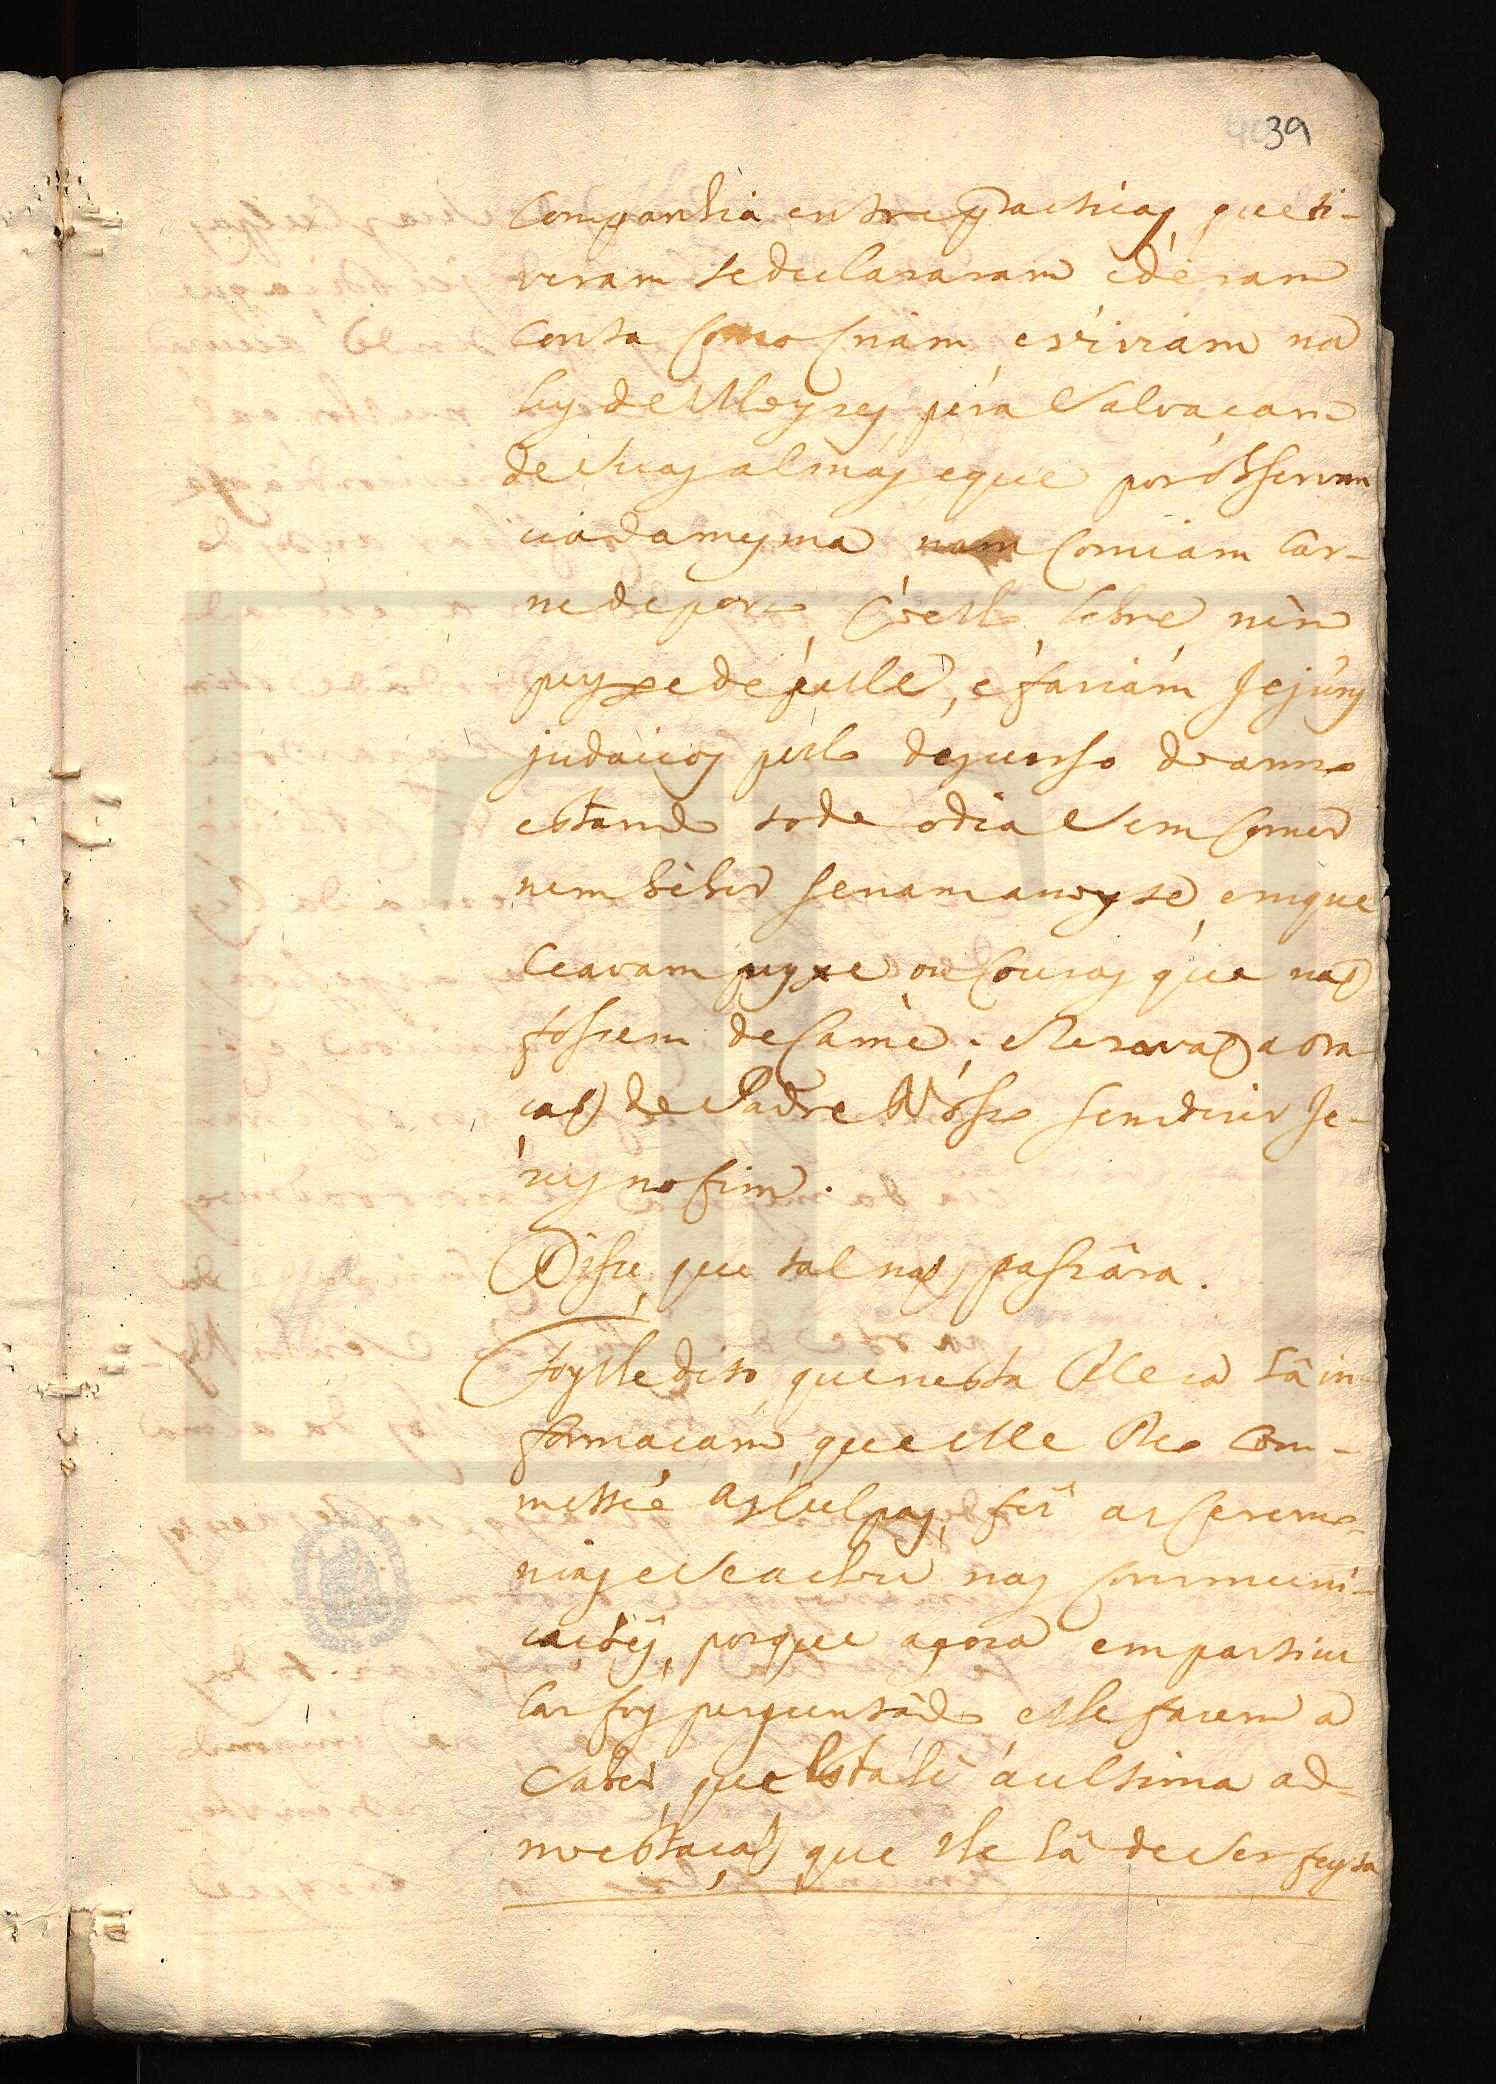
Companhia entre practicas, que ti
veram se declararam e deram
conta Como Criam, e viviam na
ley de Moyzes, pera Salvaçam
de Suas almas e que por observan
cia da mesma, nam Comiam car
ne de porco, Coelho, lebre, ném
peyxe de pelle, e faziam Jejūns
judaicos pello descurso do anno
estando todo o dia Sem Comer
nem beber senam a noyte, em que
Ceavam peyxe ou Couzas que naõ
fossem de Carne; e rezavaõ a ora
çaõ de Padre Nosso sem dizer Je
zus no fim.
Disse que tal naõ passára.
Foylhe dito, que nesta Meza hâ in
formaçam, que elle Reo com
mettce as Culpas, fêz as Ceremo
nias e Se achou nas Communi
cações, porque agora em particu
lar foy perguntádo e lhe fazem a
saber, que Esta hé a ultima ad
moestaçaõ que lhe hâ de ser feyta
